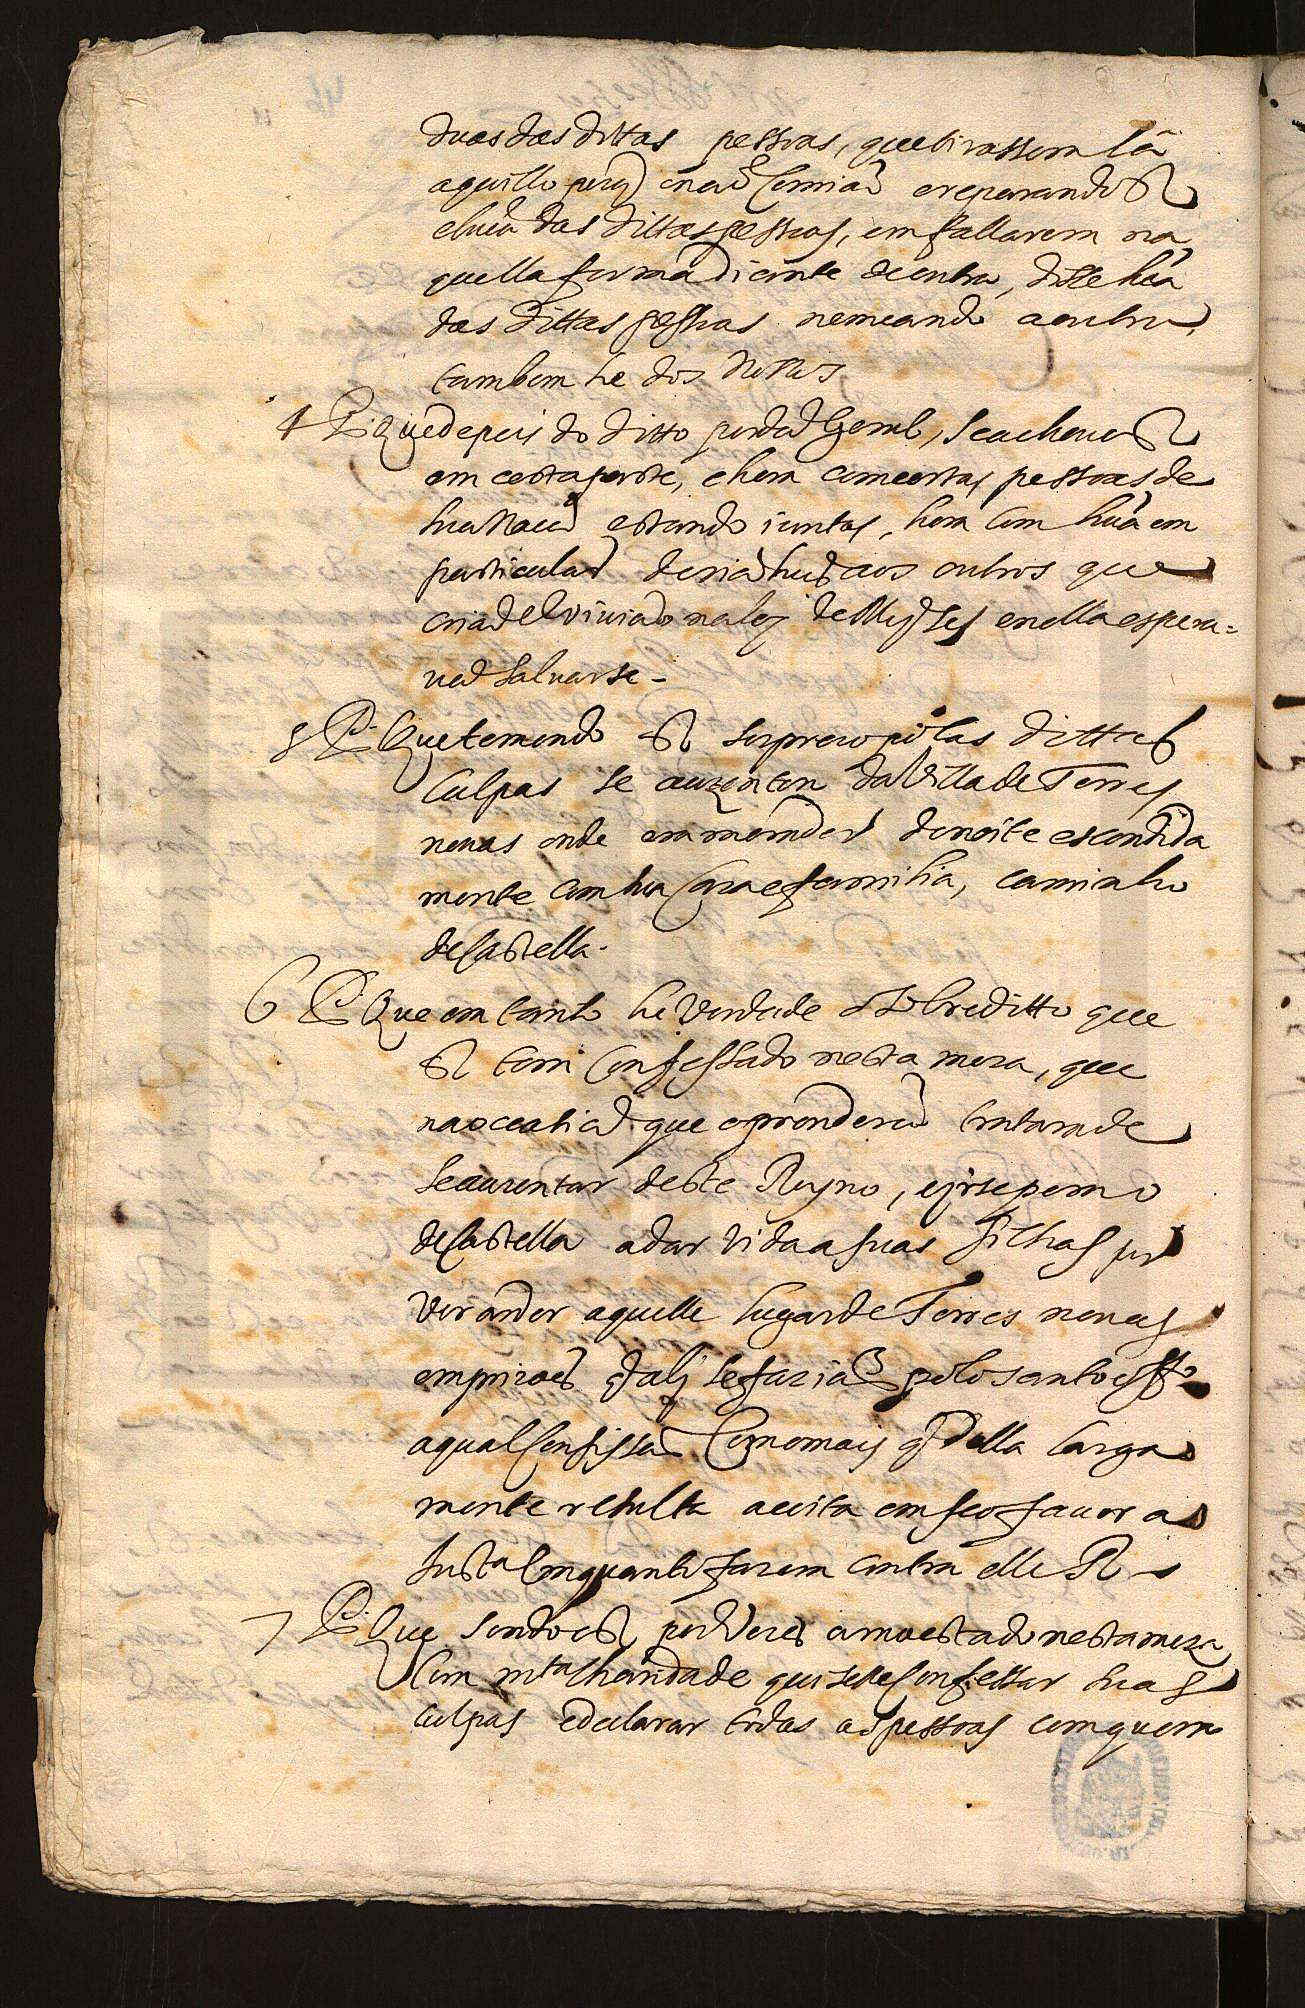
duas das dittas pessoas, que tirassem lá
aquillo porq̄ o naõ Comiaõ, e reparando R
e huã das dittas pessoas, em fallarem na
quella forma diante de outra, disse huã
das dittas pessoas, nomeando a outra
tambem he dos nossos
4 P. Que depois do ditto perdaõ Geral, se achauaõ
em certa parte, e hora com certas pessoas de
sua naçaõ estando iuntas, hora com huã em
particular deraõ hus̄ aos outros que
criaõ e viuiaõ na lej de Moyses e nella espera
uaõ saluarse.
8 P. Que temendo o R ser prezo polas dittas
Culpas se auzenten da Villa de Torres
nouas onde era morador de noite escondida
mente com sua Caza e familia, caminho
de Castella.
6 P. Que em tanto he verdade o sobreditto que
R tem Confessado nesta meza, que
na occasiaõ que o prenderaõ tratara de
se auzentar deste Reyno, e jrse pera o
de Castella a dar vida a suas filhas por
ver arder aquelle lugar de Torres nouas
em prizoẽs q̄ alj se faziaõ pelo santo offo
a qual Confissão Com o mais q̄ della larga
mente resulta aceita em seo fauor a
Iusta Emquanto fazem contra elle R.
7 P. Que sendo o R por Vezes amoestado nesta meza
Com mta charidade que se sse Confessar suas
culpas e declarar todas as pessoas com quem
